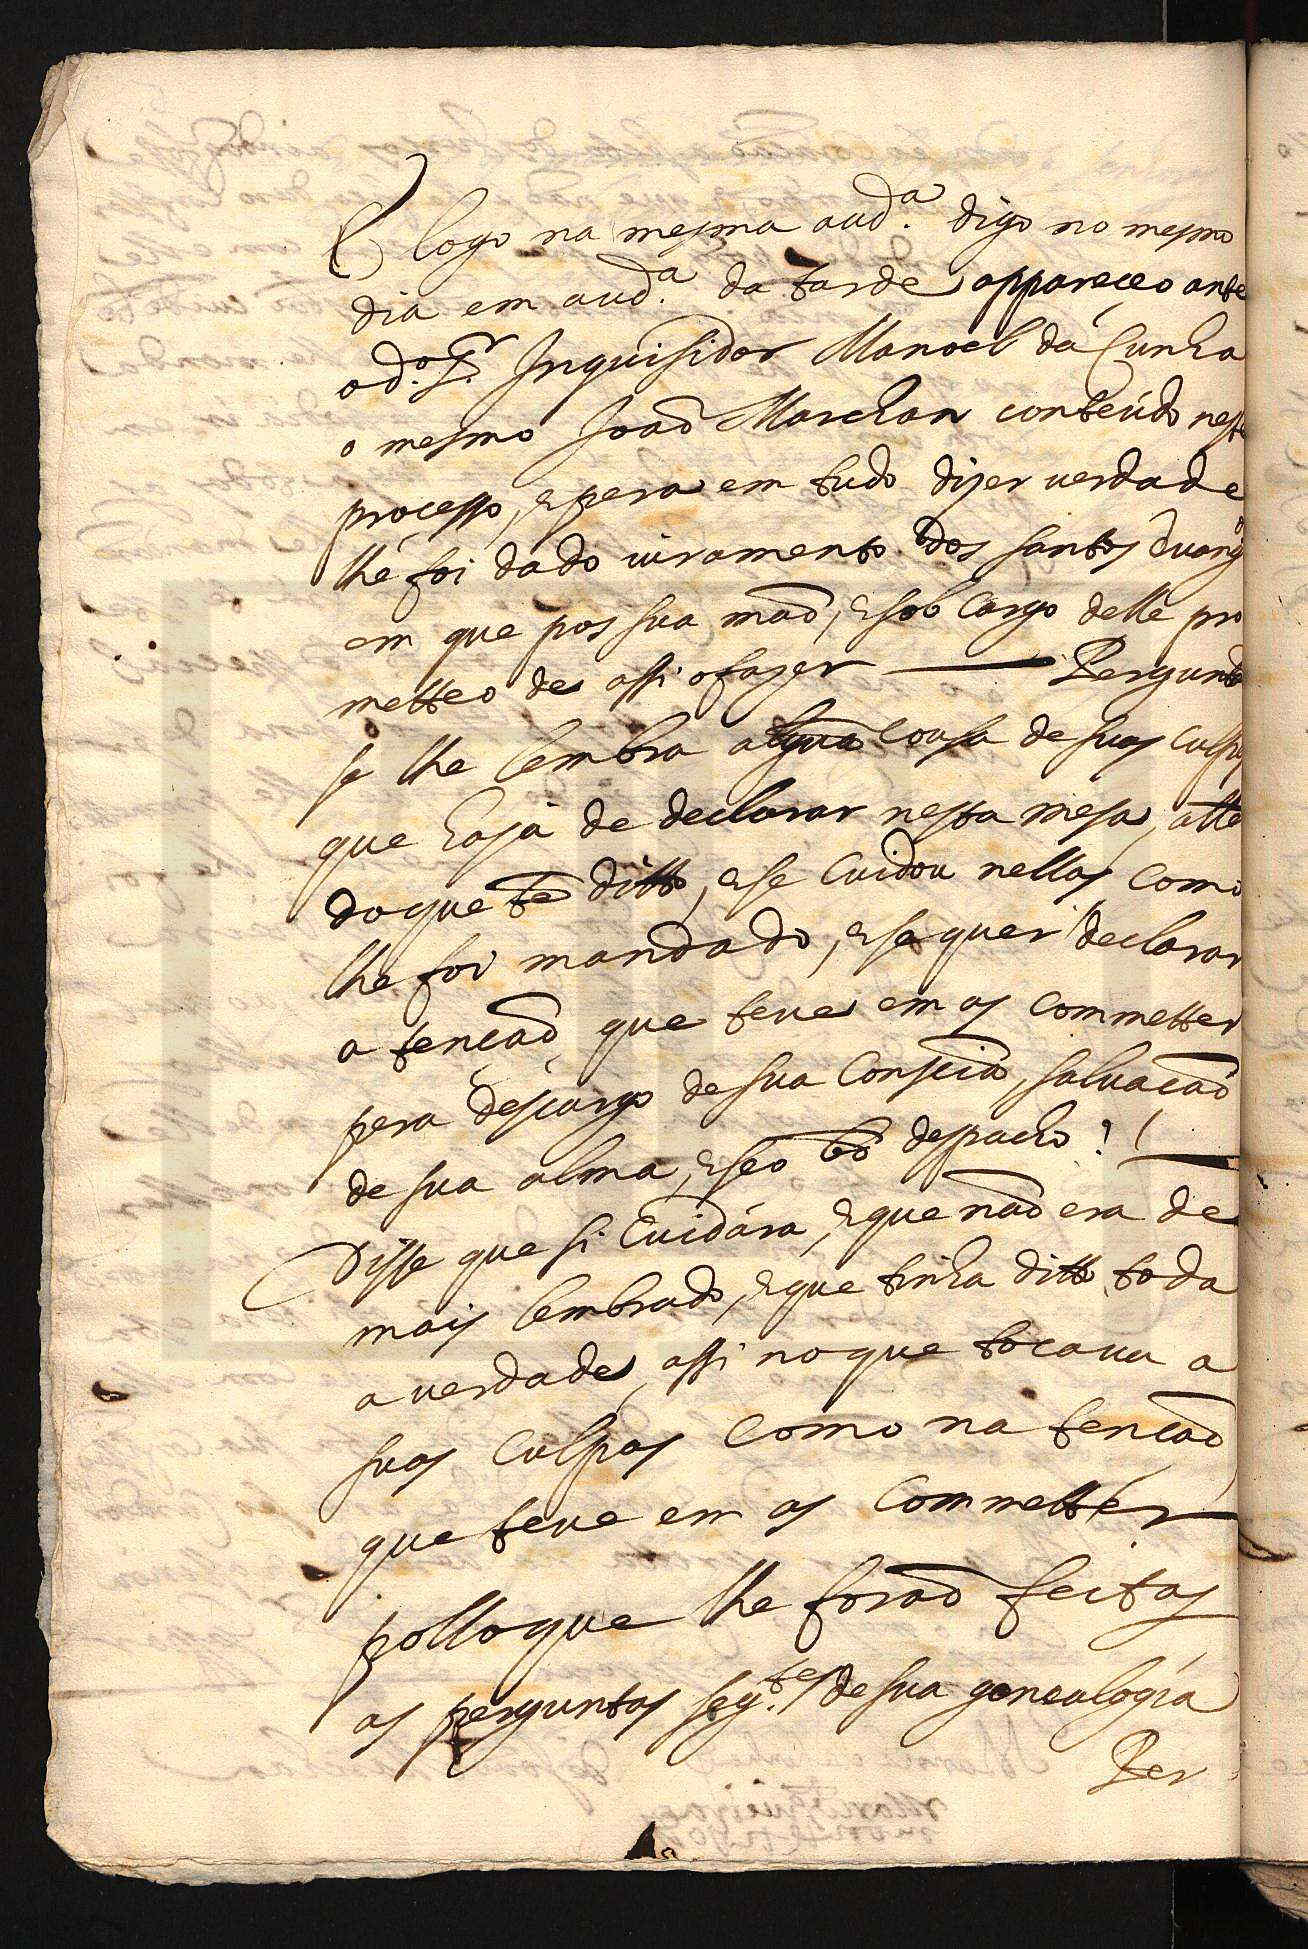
E logo na mesma aud.a digo no mesmo
dia em aud.a da tarde appareceo ante
o d.o s.r Jnquisidor Manoel da Cunha
o mesmo Joaõ Marchan conteudo neste
processo, E pera em tudo dizer uerdade
lhe foi dado iuramento dos santos euango
em que pos sua mão, E sob cargo delle pro
metteo de assi o fazer
Pergunta
se lhe lembra algūa cousa de suas culpas
que haja de declarar nesta mesa allē
do que tē ditto, e se cuidou nellas como
lhe foi mandado, E se quer declarar
a tençaõ que teue em as commetter
pera descargo de sua conscīa, saluaçaõ
de sua alma, E seo bō despacho?
Disse que si cuidara, E que não era de
mais lembrado, E que tinha ditto toda
a uerdade assi no que tocaua a
suas culpas como na tenção
que teue em as commetter
pollo que lhe forão feitas
as perguntas seg.tes de sua genealogia
Per
